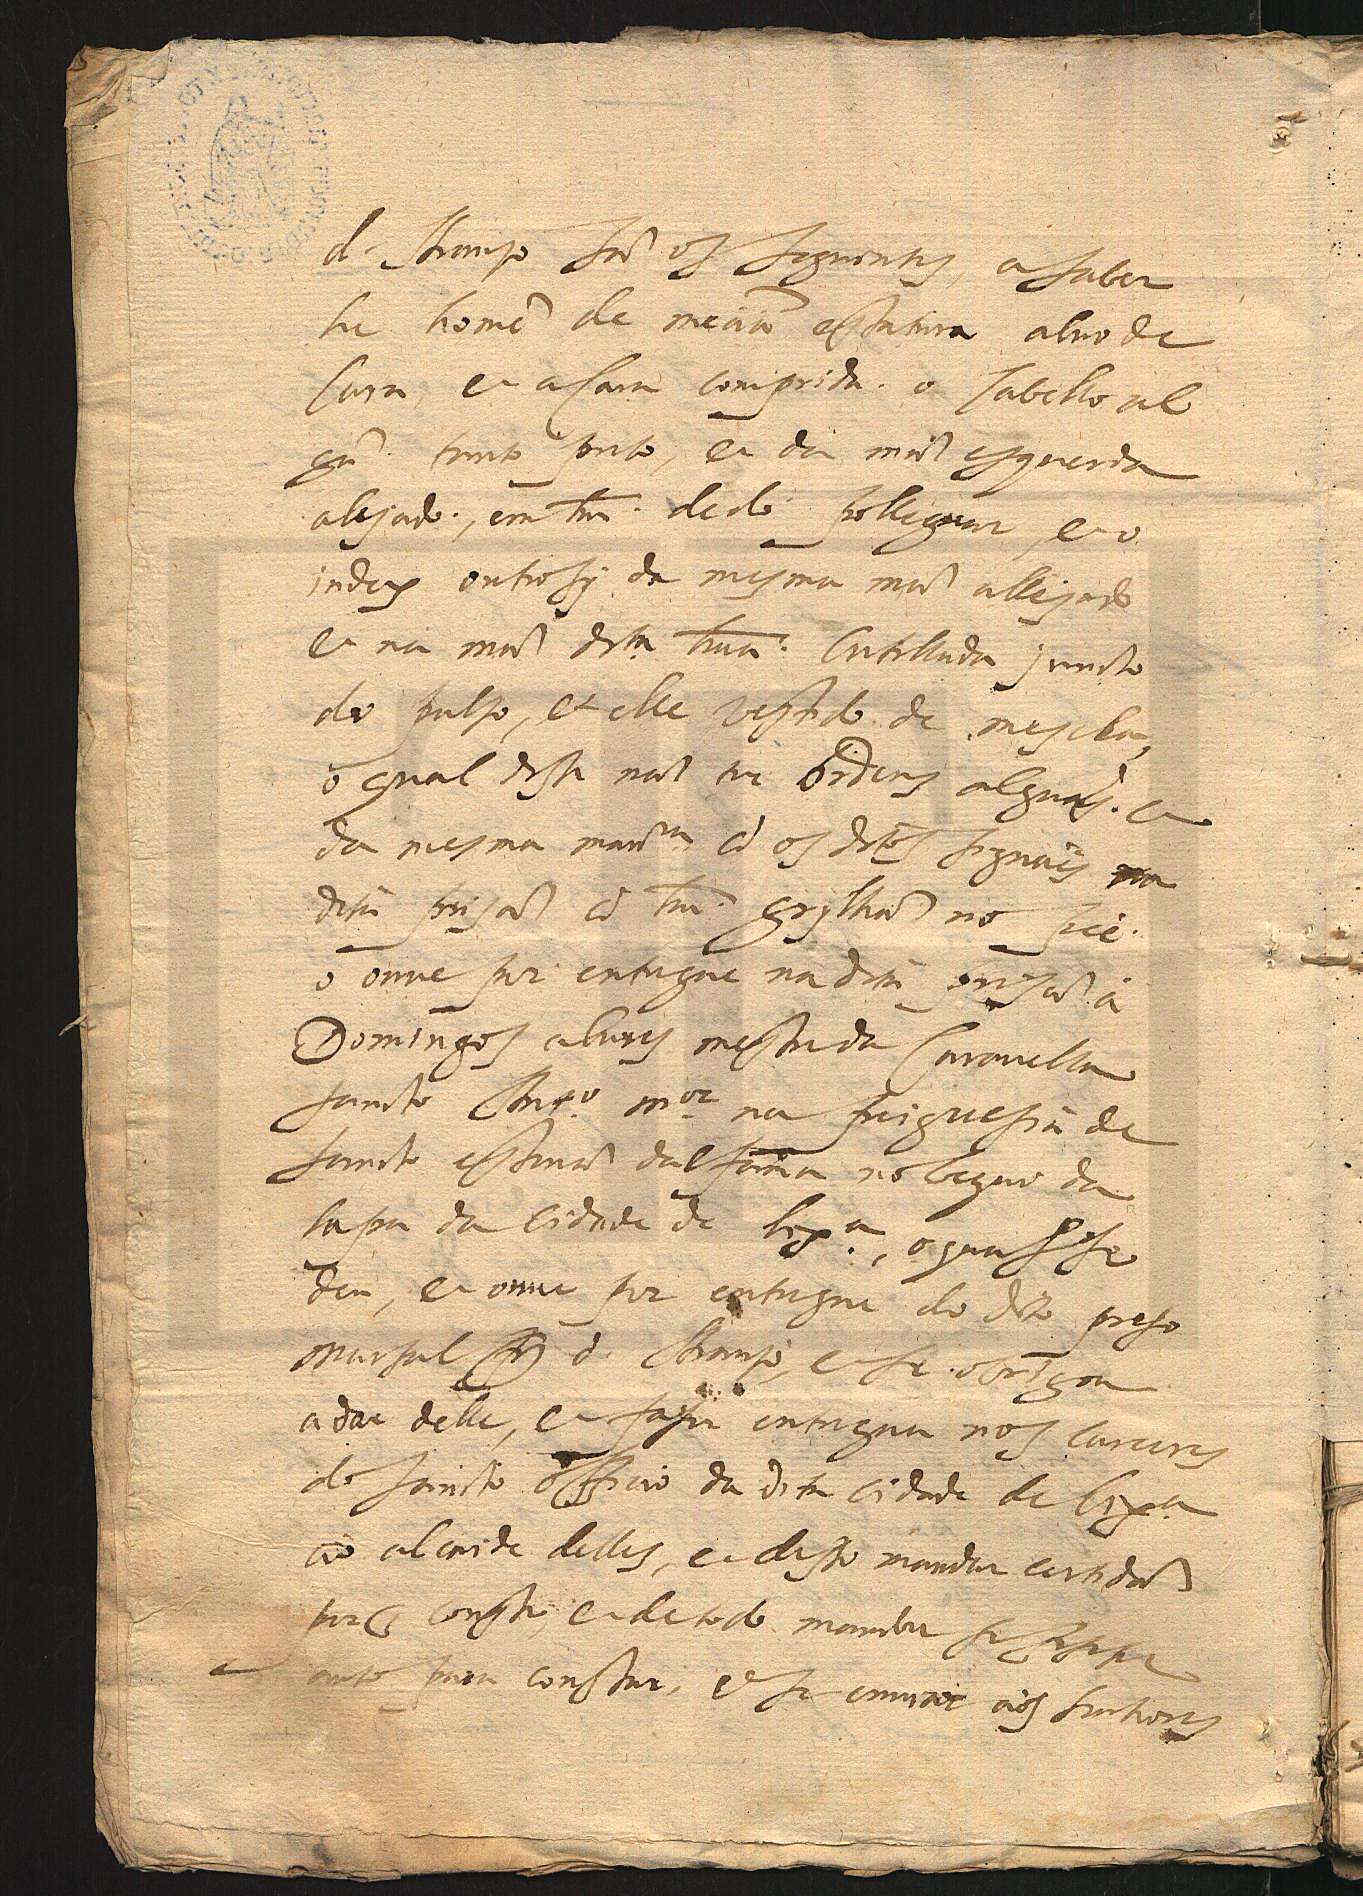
d. Araujo sā os seguintes, a saber
he homē de meāa estatura aluo de
Cara, e a Cara comprida. o Cabello al
gū tanto parco, e da mā esquerda
alejado, em hū dedo polleguar, e o
index outrosy da mesma mā aleijado
e na mā dr.ta h̄ua Cutellada juncto
do pulso, & elle vestido de mescla,
o qual disse naõ ter ordens alguās. e
da mesma manra cō os ditos signais na
dita prisaõ cō h̄u grjlhā no pie
o ouue por entregue na dita prisaõ a
Domingos alures mestre da Carauella
sancto Ant.o mor na freiguesia de
sancto esteuā dalfama no lugar da
lapa da cidade de lix.a, o qual se
deu, e ouue por entregue do dito preso
marsal f̄rz d Araujo, e se obrigou
a dar delle, e faser entregua nos carceres
do sancto officio da dita cidade de lix.a
ao alcaide delles, e disto mandou certidaõ
porq̄ consta, e de todo mandou se fesese
auto para constar, E se enuiar aos senhores
